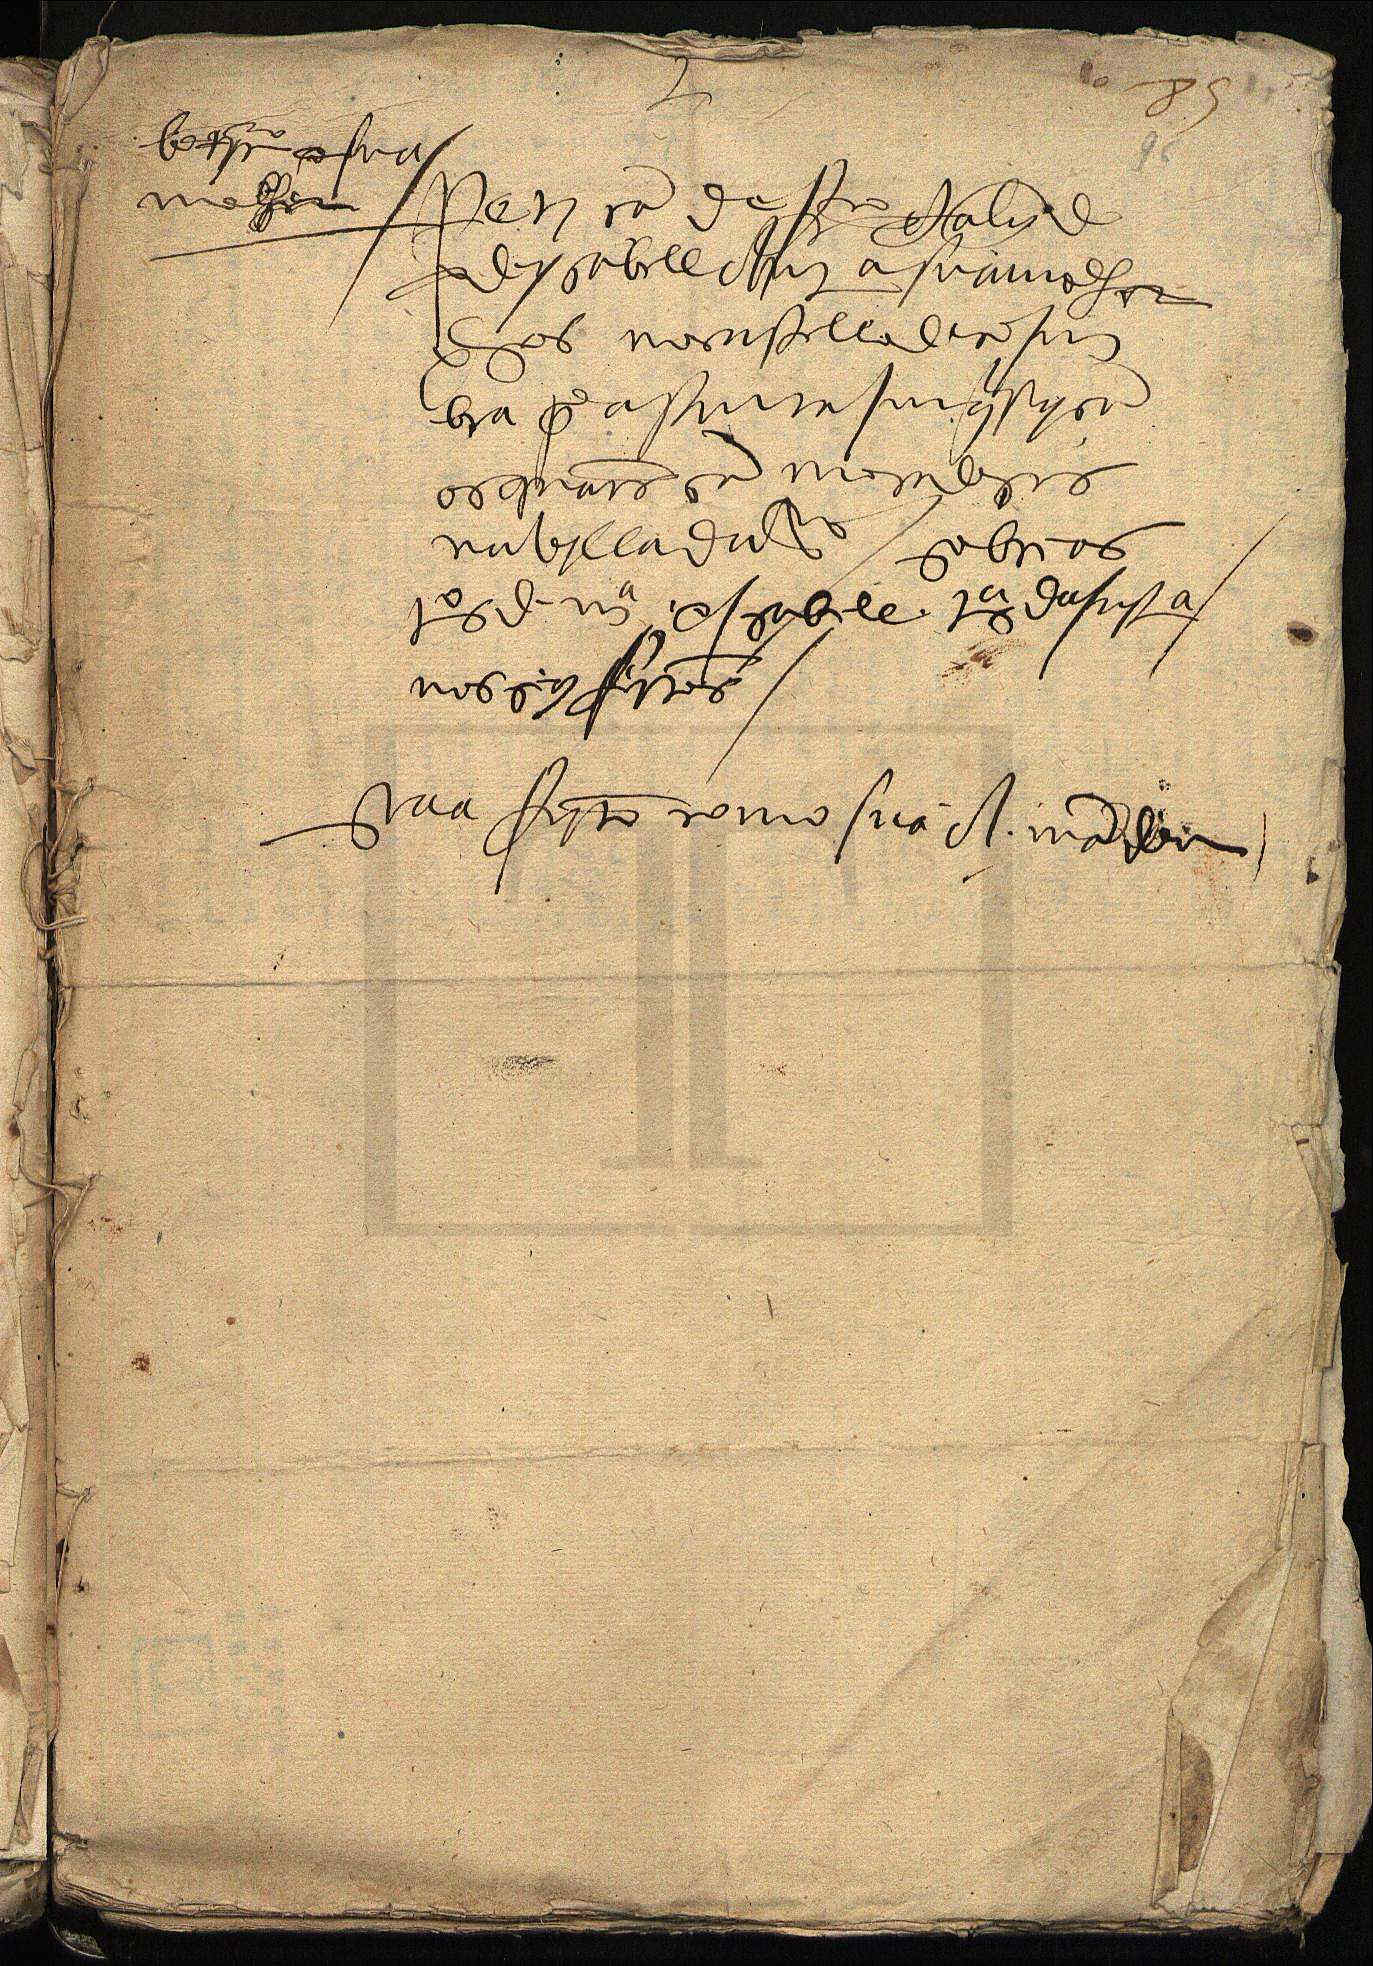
botycro e sua /
molher
Petjçā de frco Galȳdo
de ysabell Anta sua molher
p̄sos na castello de coJm
bra p̄o a santa Jmqisyçā
os quaes sā moradores
na vylla davro / sobre os
tos de ma e Jsabell tas da Justa
nos seꝯ feitos
sera fejto como sua .A. mādou
